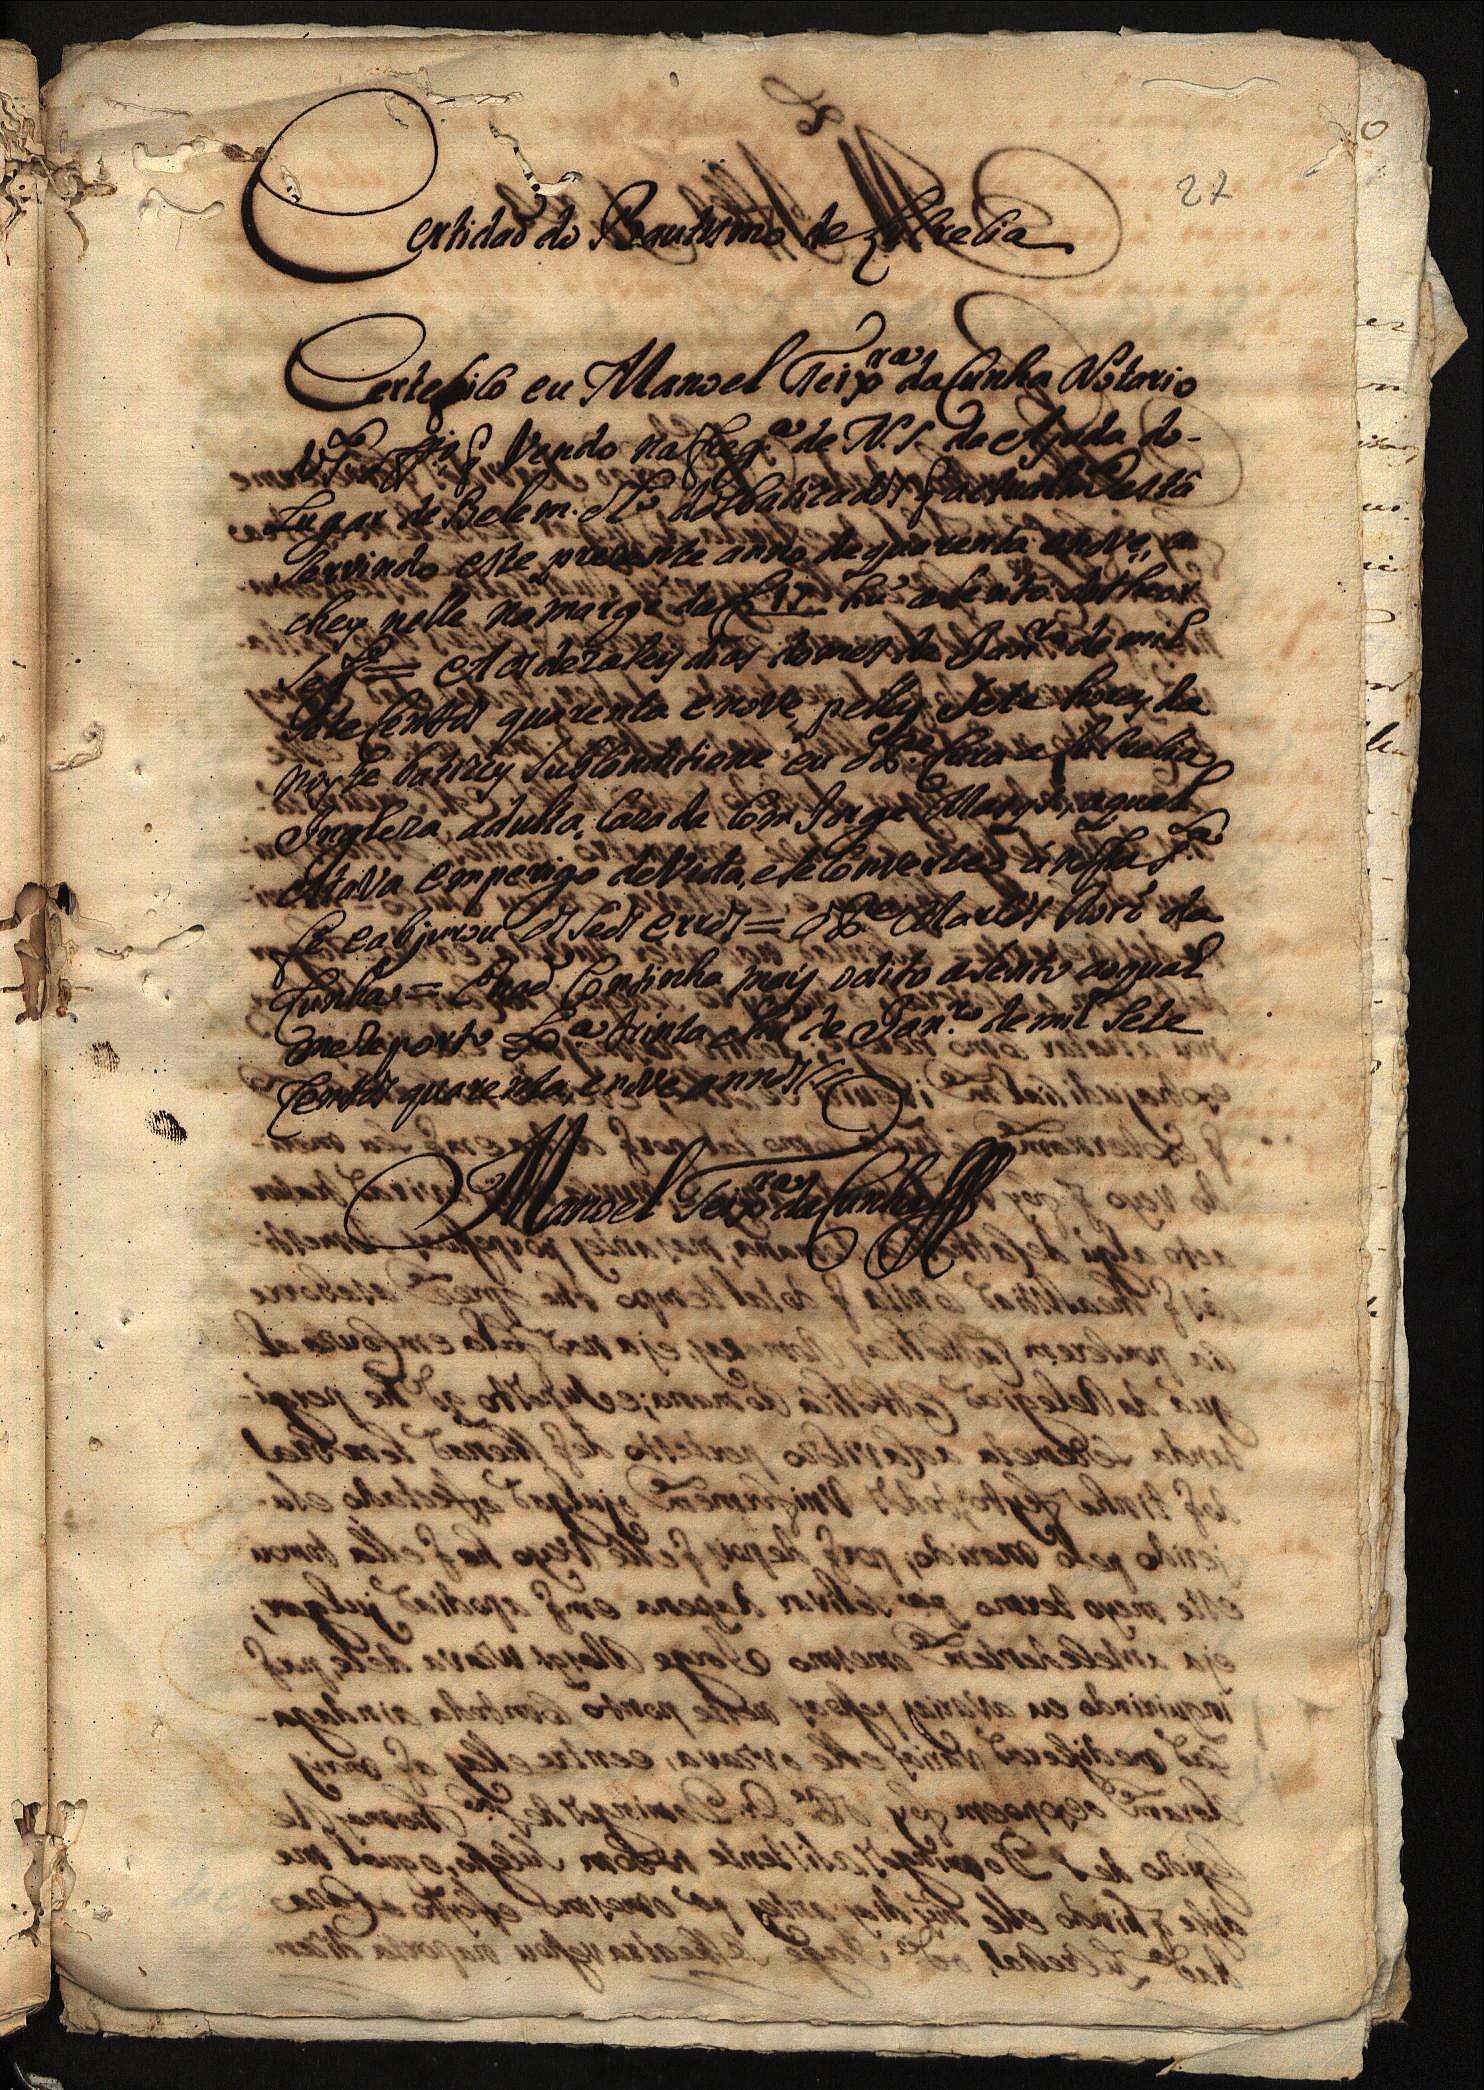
27
Certidaõ do Bautismo de LuCreCia
CertefiCo eu Manoel Teixra da Cunha Notario
do s.to offo q̄ Vendo na freg.a de N. s. da Ajuda do
Lugar de Belem. o L.o dos batizados q̄ actualmte está
servindo este prezente anno de quarenta e nove, a
chei nelle na marge da f̄17 hū asento de theor
segte = Aos dezaseis dias do mes de Ian.ro de mil
seteCentos quarenta e nove pellas sete horas da
noyte batizey Sub Conditione eu o P.e Cura a LuCreCia
Ingleza adulta, Cazada com Iorge Masqs, a qual
estava em perigo de Vida, e se converteo a nossa s.ta
fe e abjurou os seos erros = O P.e Marcos Rorz̄ da
Cunha = E naõ Continha mais o dito asento ao qual
me Reporto Lx.a trinta e hu de Ian.ro de mil sete
Centos quarenta e nove annos//
Manoel Teix.ra da Cunha
